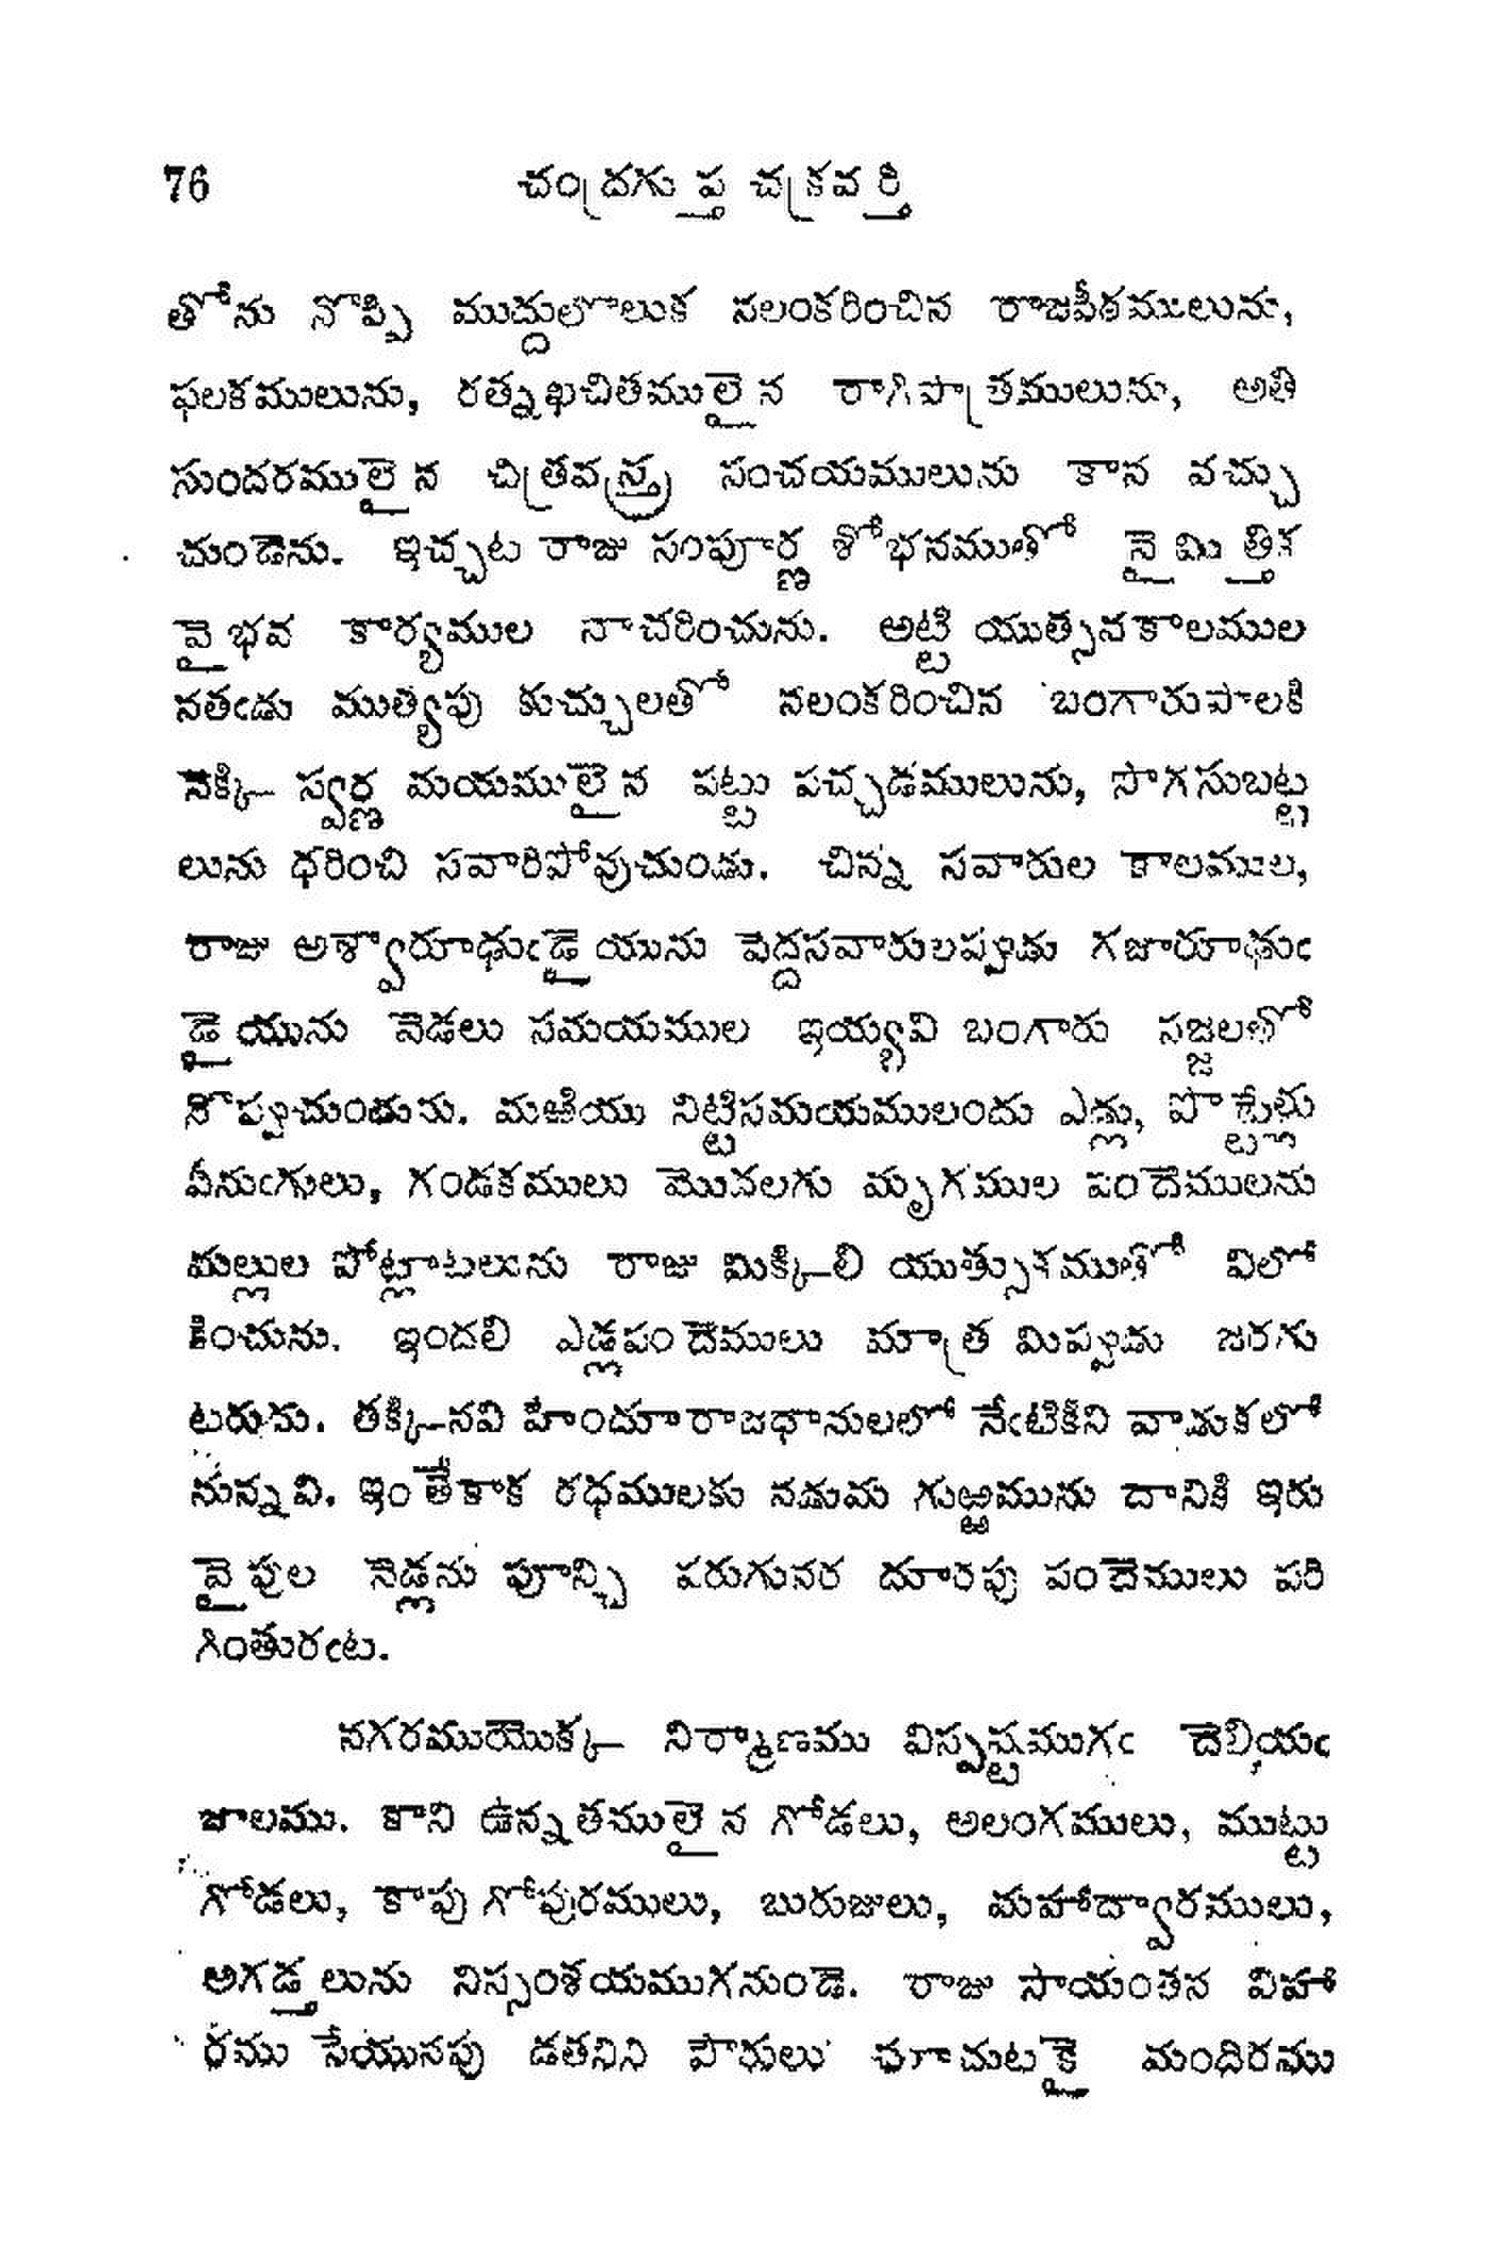తోను నొప్పి ముద్దులొలుక నలంకరించిన రాజపీఠములును, ఫలకములును, రత్నఖచితములైన రాగిపాత్రములును, అతి సుందరములైన చిత్రవస్త్ర సంచయములును కాన వచ్చు చుండెను. ఇచ్చట రాజు సంపూర్ణ శోభనముతో నైమిత్తిక వైభవ కార్యముల నాచరించును. అట్టి యుత్సవకాలముల నతఁడు ముత్యపు కుచ్చులతో నలంకరించిన బంగారుపాలకి నెక్కి స్వర్ణ మయములైన పట్టు పచ్చడములును, సొగసుబట్టలును ధరించి సవారిపోవుచుండు. చిన్న సవారుల కాలముల, రాజు అశ్వారూఢుడైయును పెద్దసవారులప్పుడు గజారూడుఁడైయును వెడలు సమయముల ఇయ్యవి బంగారు సజ్జలతో నొప్పుచుండును. మఱియు నిట్టిసమయములందు ఎడ్లు, పొట్టేళ్లు ఏనుఁగులు, గండకములు మొదలగు మృగముల పందెములను మల్లుల పోట్లాటలును రాజు మిక్కిలి యుత్సుకముతో విలోకించును. ఇందలి ఎడ్లపందెములు మాత్ర మిప్పుడు జరగు టరుదు. తక్కినవి హిందూ రాజధానులలో నేఁటికిని వాడుకలో నున్నవి. ఇంతేకాక రధములకు నడుమ గుఱ్ఱమును దానికి ఇరువైపుల నెడ్లను పూన్చి పరుగునర దూరపు పందెములు పరిగింతురఁట.

నగరముయొక్క నిర్మాణము విస్పష్టముగఁ దెలియఁ జూలము. కాని ఉన్నతములైన గోడలు, అలంగములు, ముట్టు గోడలు, కాపు గోపురములు, బురుజులు, మహాద్వారములు, అగడ్తలును నిస్సంశయముగనుండె. రాజు సాయంతన విహారము సేయునపు డతనిని పౌరులు చూచుటకై మందిరము